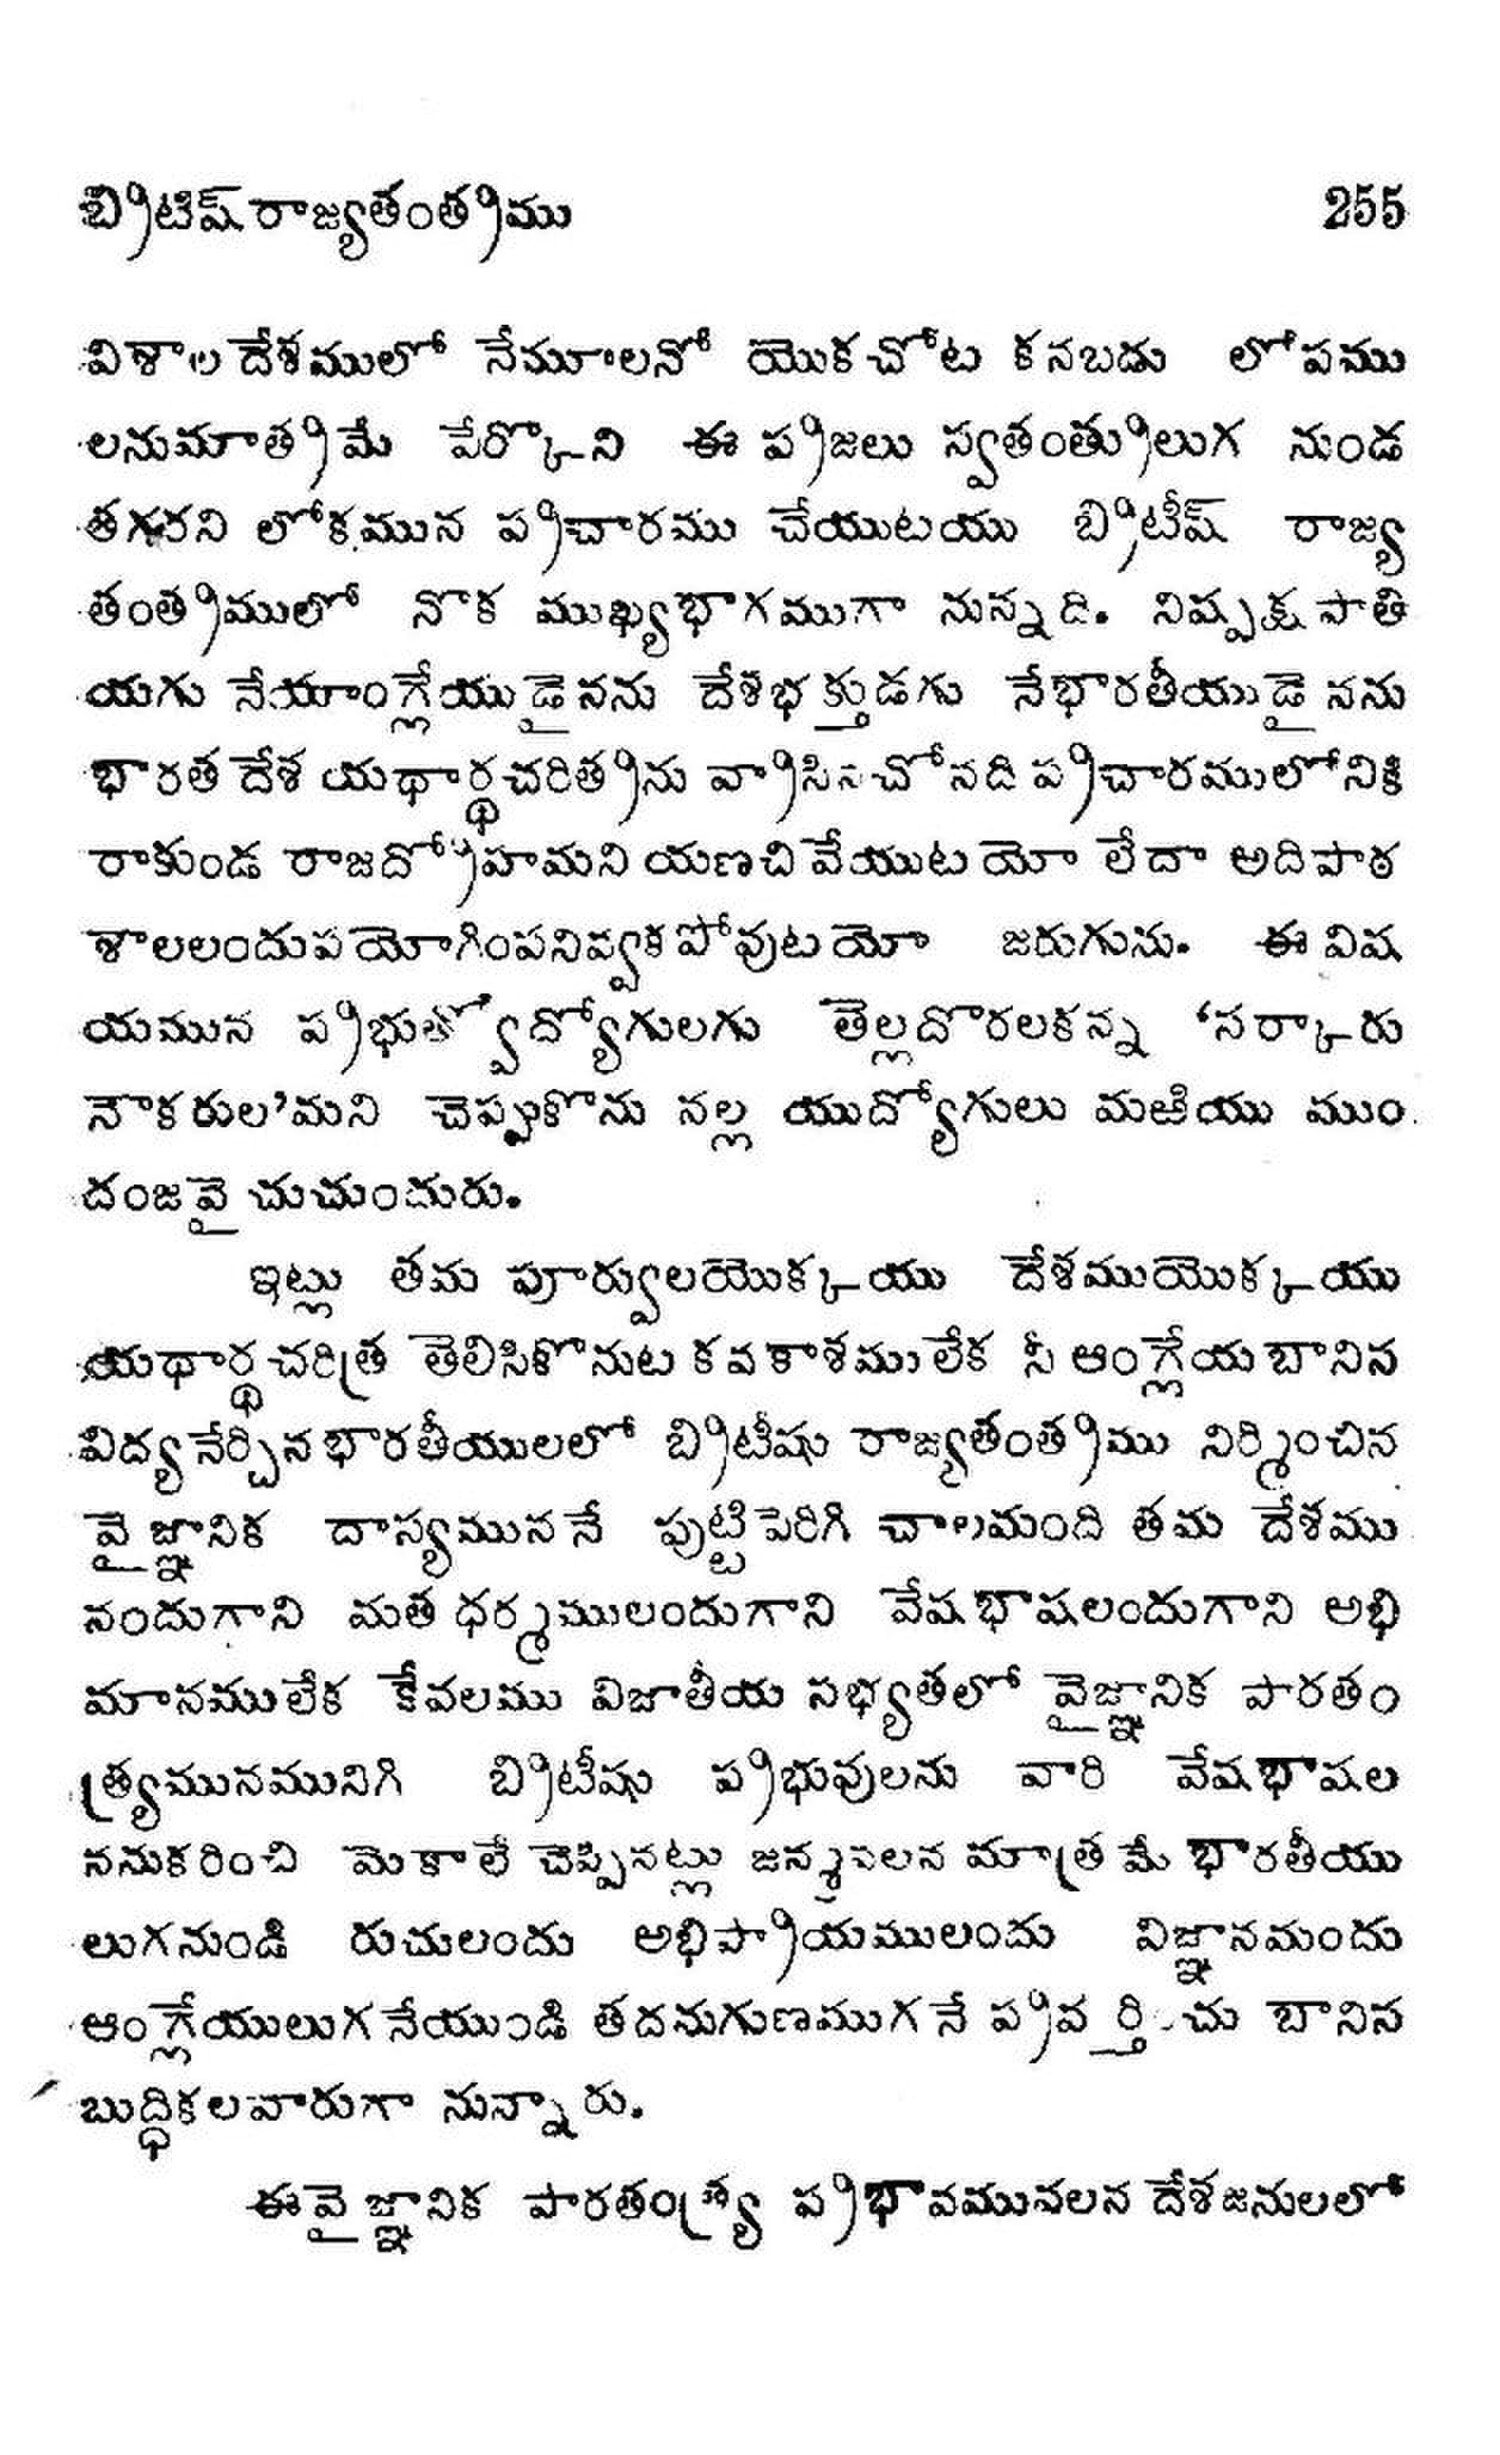విశాలదేశములో నేమూలనో యొకచోట కనబడు లోపములనుమాత్రమే పేర్కొని ఈ ప్రజలు స్వతంత్రులుగ నుండతగరని లోకమున ప్రచారము చేయుటయు బ్రిటీష్ రాజ్యతంత్రములో నొక ముఖ్యభాగముగా నున్నది. నిష్పక్షపాతియగు నేయాంగ్లేయుడైనను దేశభక్తుడగు నేభారతీయుడైనను భారతదేశ యథార్థచరిత్రను వ్రాసినచో నదిప్రచారములోనికి రాకుండ రాజద్రోహమని యణచివేయుటయో లేదా అదిపాఠశాలలందుపయోగింపనివ్వక పోవుటయో జరుగును. ఈ విషయమున ప్రభుత్వోద్యోగులగు తెల్లదొరలకన్న 'సర్కారు నౌకరుల'మని చెప్పుకొను నల్ల యుద్యోగులు మఱియు ముందంజవైచుచుందురు.

ఇట్లు తమ పూర్వులయొక్కయు దేశముయొక్కయు యథార్థచరిత్ర తెలిసికొనుట కవకాశములేక నీ ఆంగ్లేయబానిస విద్యనేర్చినభారతీయులలో బ్రిటీషు రాజ్యతంత్రము నిర్మించిన వైజ్ఞానిక దాస్యముననే పుట్టిపెరిగి చాలమంది తమదేశమునందుగాని మతధర్మములందుగాని వేషభాషలందుగాని అభిమానములేక కేవలము విజాతీయ సభ్యతలో వైజ్ఞానిక పారతంత్ర్యమున మునిగి బ్రిటీషు ప్రభువులను వారి వేషభాషల ననుకరించి మెకాలే చెప్పినట్లు జన్శవలన మాత్రమే భారతీయులుగనుండి రుచులందు అభిప్రాయములందు విజ్ఞానమందు ఆంగ్లేయులుగనేయుండి తదనుగుణముగనే ప్రవర్తించు బానిసబుద్ధికలవారుగా నున్నారు.

ఈ వైజ్ఞానిక పారతంత్ర్య ప్రభావమువలన దేశజనులలో